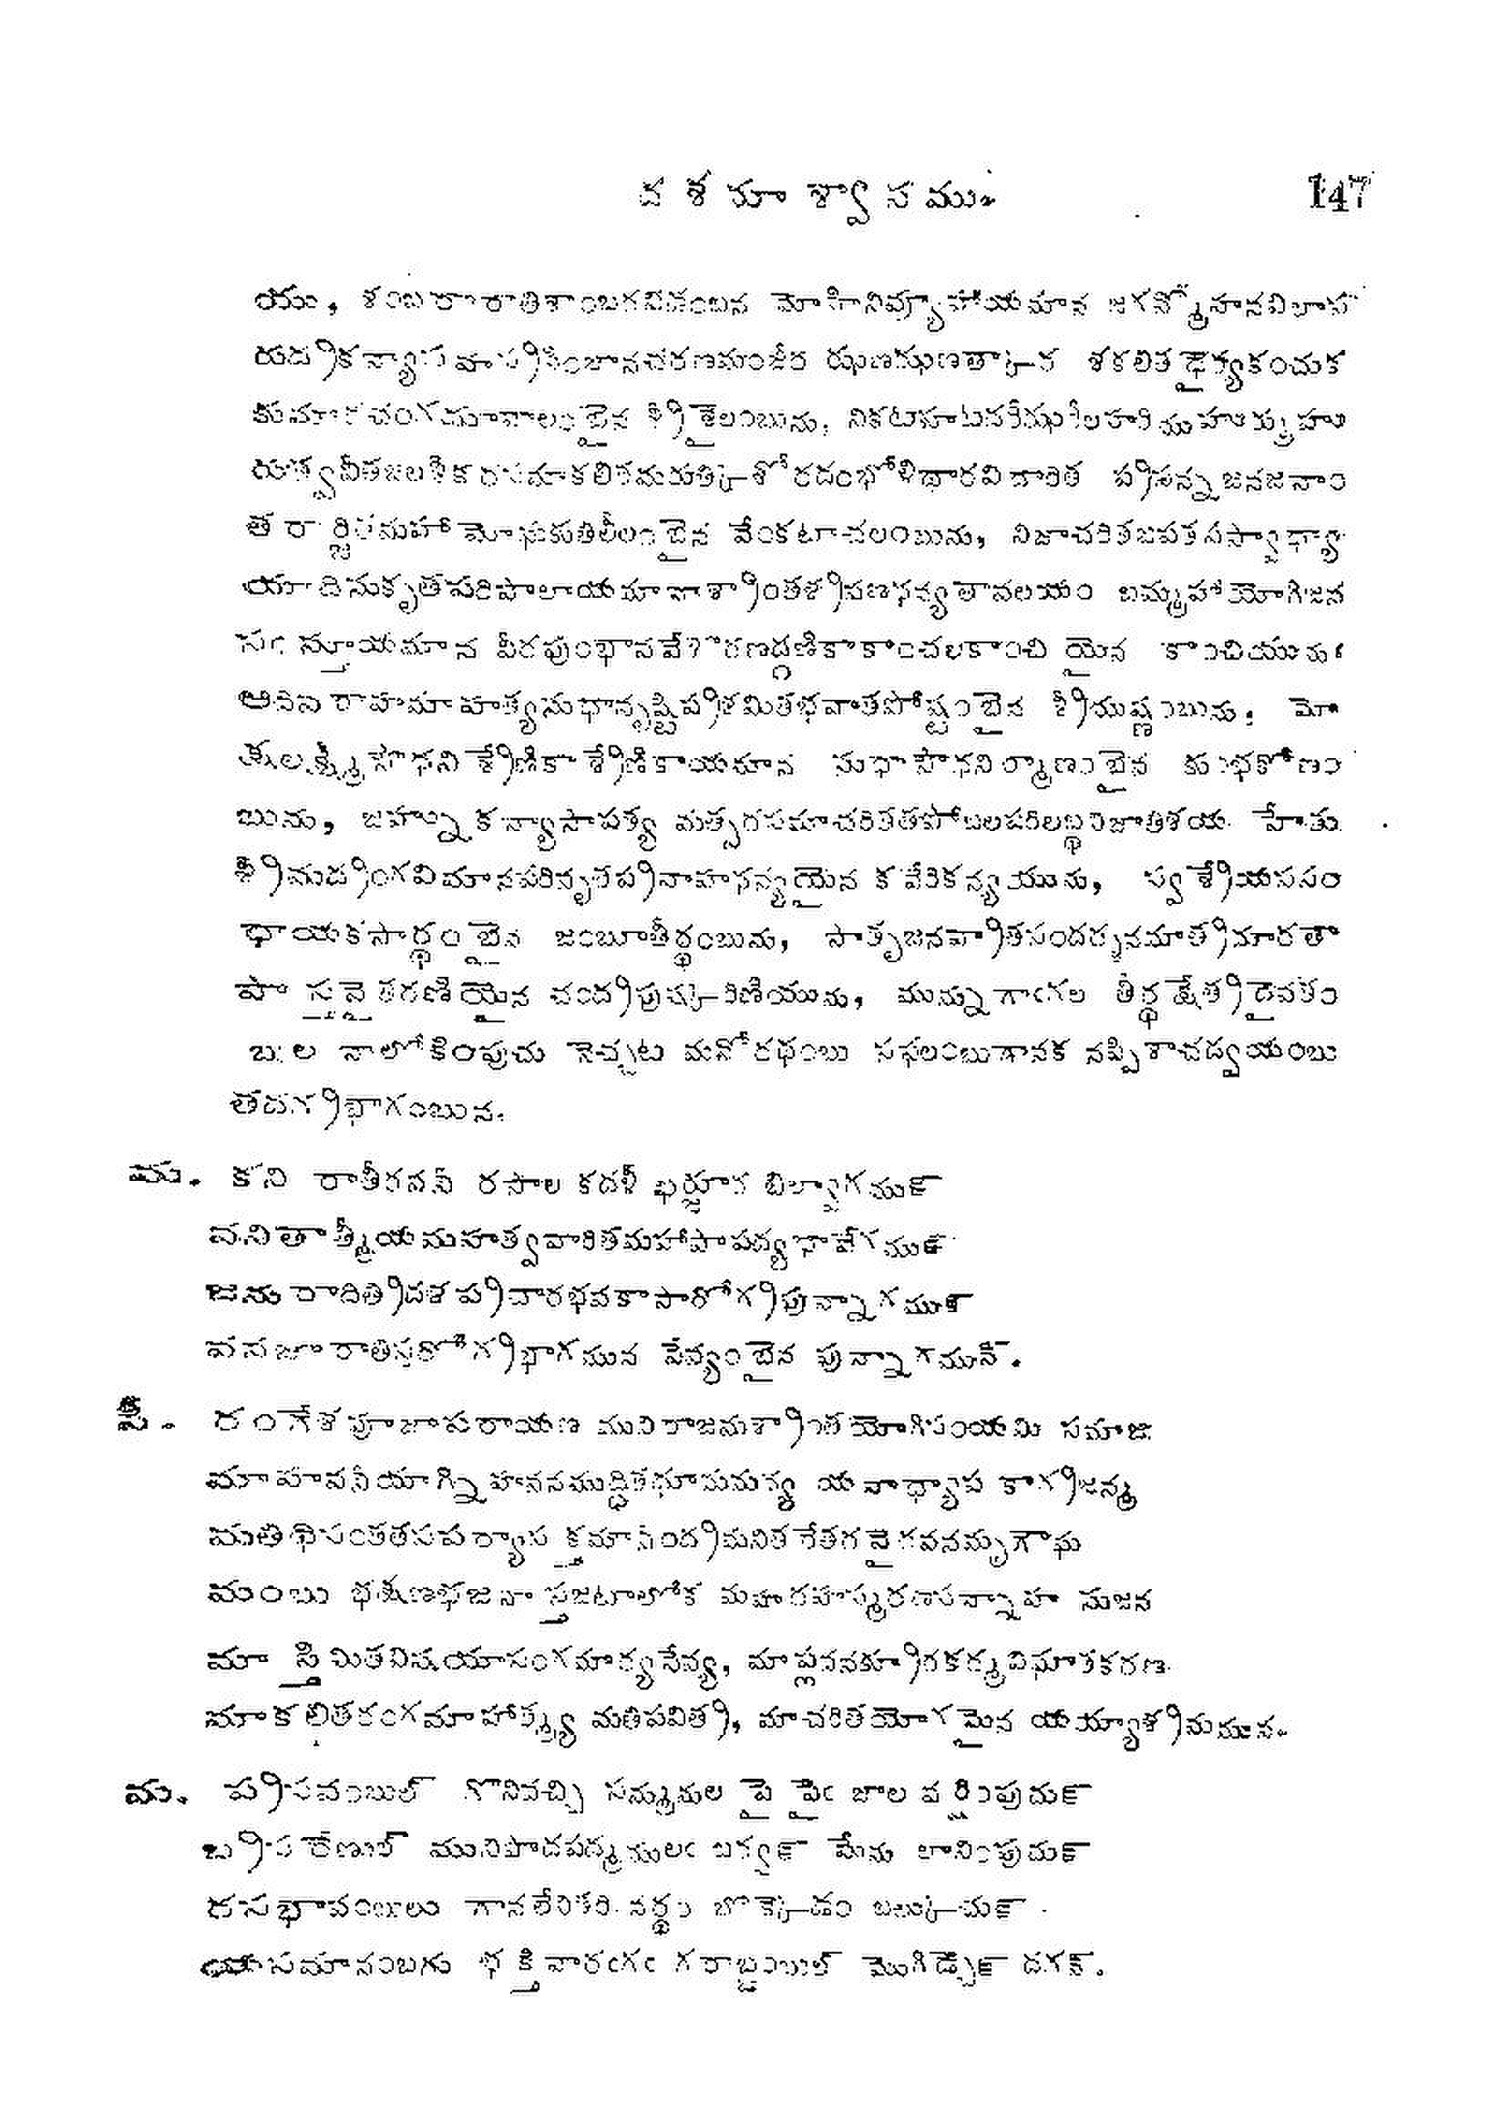యు, శంబరారాతిశాంజరవిడంబన మోహినివ్యూహాయమాన జగన్మోహనవిలాస
 రుద్రకన్యాసహస్రసింజానచరణమంజీర ఝణఝణత్కార శకలికధైర్యకంచుక
 కుమారచంగదూవాలంబైన శ్రీశైలంబును, నికటాకూటదరీఝరీలహరిముహుర్ముహు
 రుత్వవీతజలశీకరసమాకలితమరుత్కిశోరదంభోళిథారవిదారిత ప్రసన్నజనజనాం
 తరార్జితమహామోఘకుతిలీలంబైన వేంకటాచలంబును, నిజాచరితజపతపస్వాధ్యా
 యాదిసుకృతపరిపాలాయమానాశ్రాంతశ్రవణధన్యతావలయం బమ్మహాయోగిజన
 సంస్తూయమాన వీరపుంభావవేళారణద్గణికాకాంచలకాంచి యైన కాంచియును,
 ఆదివరాహమాహత్యసుధావృష్టిప్రశమితభవాతపోష్టంబైన శ్రీముష్ణంబును, మో
 క్షలక్ష్మీసౌధనిశ్రేణికాశ్రేణికాయమాన సుధాసౌధనిర్మాణంబైన కుంభకోణం
 బును, జహ్నుకన్యాసాపత్య మత్సరసమాచరితతపోబలపరిలబ్ధనిజాతిశయ హేతు
 శ్రీమద్రంగవిమానపరివృతప్రవాహధన్యయైన కవీరికన్యయును, స్వశ్రేయససం
 ధాయకసార్థం బైన జంబూతీర్థంబును, సాతృజనవ్రాతసందర్శనమాత్రదూరతా
 పాస్తవైతరణియైన చందపుష్కరిణియును, మున్నుగాఁగల తీర్థక్షేత్రదైవతం
 బుల నాలోకింపుచు నెచ్చట మనోరథంబు సఫలంబు గానక నప్పిశాచద్వయంబు
 తదగ్రభాగంబున.
మ. కని రాతీరవనీ రసాల కదళీ ఖర్జూర బిల్వాగమున్
 వనితాత్మీయమహత్వవారితమహాపాపద్యఘావేగమున్
 జనురాదిత్రిదశప్రచారభవకాసారోగ్రపున్నాగమున్
 వనజారాతిస్తరోగ్రభాగమున పేన్యంబైన పున్నాగమున్.
సీ. రంగేశపూజాపరాయణ మునిరాజ మశ్రాంతయోగిసంయమి సమాజ
 మాహవనీయాగ్నిహననముద్ధితధూమమధ్య యనాధ్యాప కాగ్రజన్మ
 మతిథిసంతతసపర్యాసక్తమౌనీంద్రమనితరేతరవైరవనమృగౌఘ
 మంబు భక్షణభజనాప్తజటాలోక మహరహస్మరణసన్నాహ సుజన
 మాస్తిమితవిషయాసంగమార్యసేవ్య, మాప్లవనక్రూరకర్మవిఘాతకరణ
 మాకలితరంగమాహాత్మ్య మతిపవిత్ర, మాచరితయోగమైన యయ్యాశ్రమమున.
మ. ప్రసవంబుల్ గొనివచ్చి సన్మునుల పై పైఁ జాల వర్షింపుచున్
 బ్రపరేణుల్ మునిపాదపద్మములఁ బర్వన్ మేను లానింపుచున్
 రసభావంబులు గానలేనితరి నర్థం బొక్కెడం బల్కుచున్
 యసమానంబగు భక్తి వారఁగఁ గరాబ్జంబుల్ మొగిడ్చెన్ దగన్.